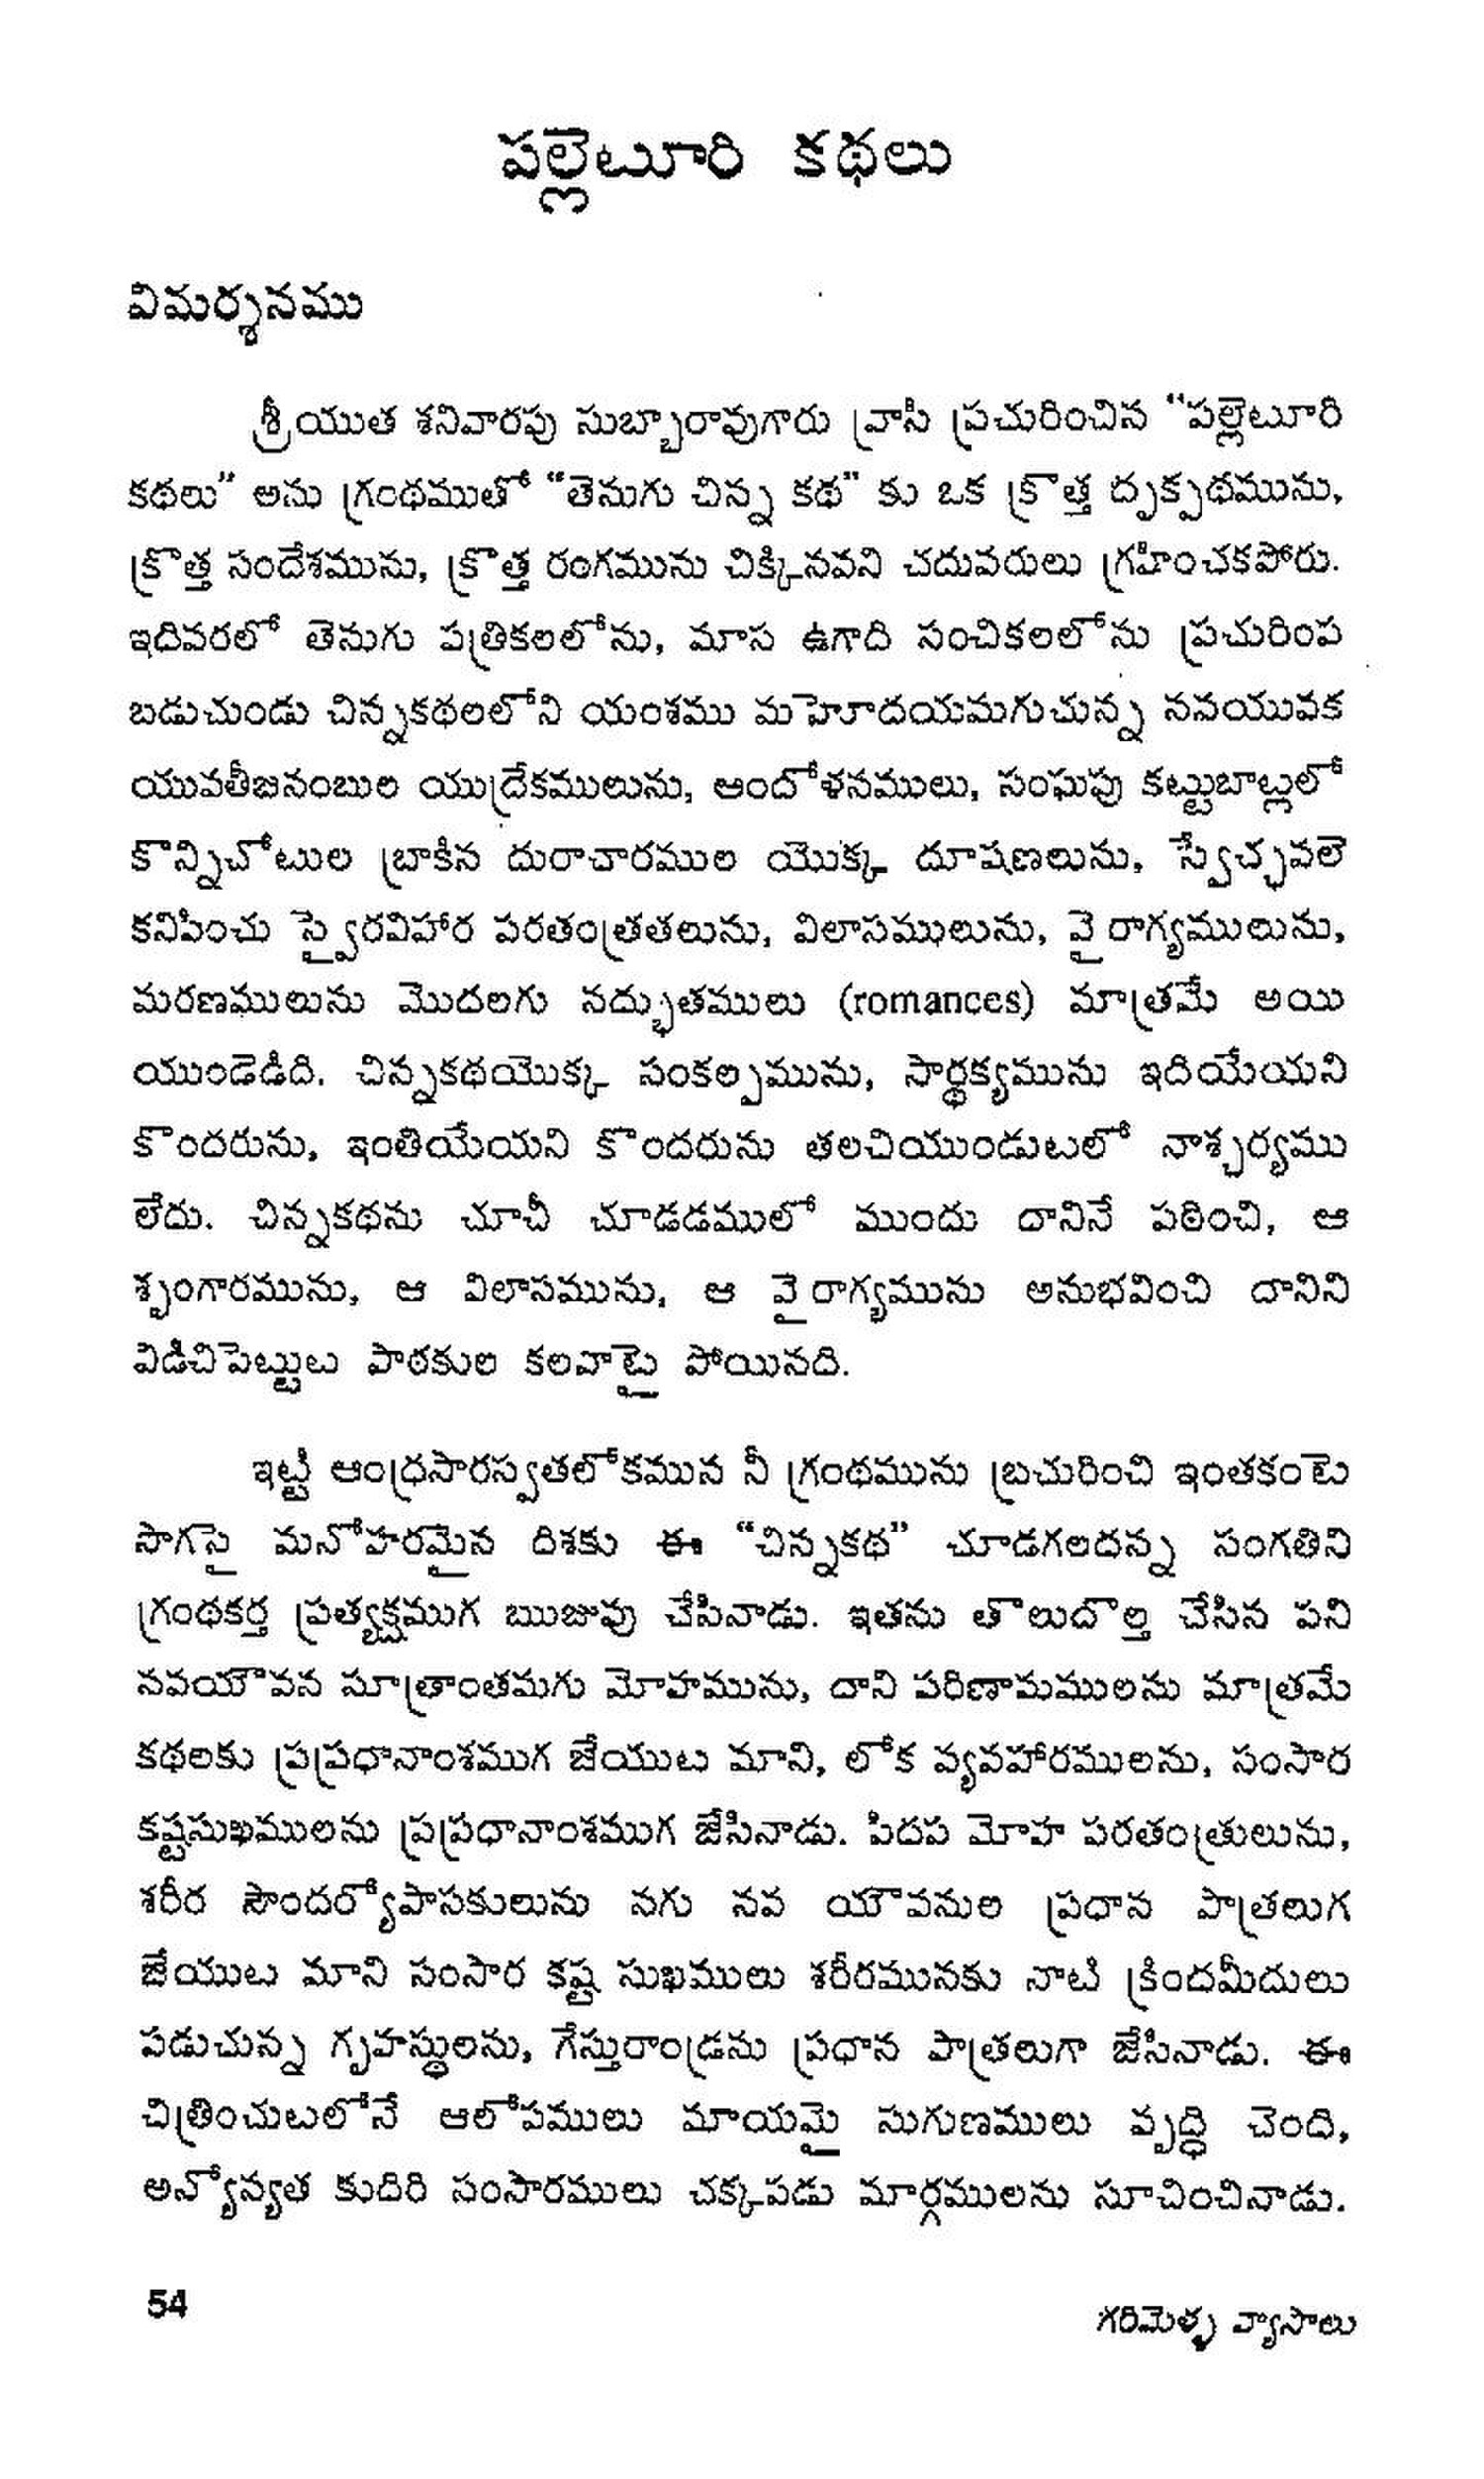పల్లెటూరి కథలు

విమర్శనము

శ్రీయుత శనివారపు సుబ్బారావుగారు వ్రాసి ప్రచురించిన "పల్లెటూరి కథలు" అను గ్రంథముతో "తెనుగు చిన్న కథ" కు ఒక క్రొత్త దృక్పథమును, క్రొత్త సందేశమును, క్రొత్త రంగమును చిక్కినవని చదువరులు గ్రహించకపోరు. ఇదివరలో తెనుగు పత్రికలలోను, మాస ఉగాది సంచికలలోను ప్రచురింపబడుచుండు చిన్నకథలలోని యంశము మహోదయమగుచున్న నవయువక యువతీజనంబుల యుద్రేకములును, ఆందోళనములు, సంఘపు కట్టుబాట్లలో కొన్నిచోటుల బ్రాకిన దురాచారముల యొక్క దూషణలును, స్వేచ్ఛవలె కనిపించు స్వైరవిహార పరతంత్రతలును, విలాసములును, వైరాగ్యములును, మరణములును మొదలగు నద్భుతములు (romances) మాత్రమే అయి యుండెడిది. చిన్నకథయొక్క సంకల్పమును, సార్థక్యమును ఇదియేయని కొందరును, ఇంతియేయని కొందరును తలచియుండుటలో నాశ్చర్యము లేదు. చిన్నథను చూచీ చూడడములో ముందు దానినే పఠించి, ఆ శృంగారమును, ఆ విలాసమును, ఆ వైరాగ్యమును అనుభవించి దానిని విడిచిపెట్టుట పాఠకుల కలవాటై పోయినది.

ఇట్టి ఆంధ్రసారస్వతలోకమున నీ గ్రంథమును బ్రచురించి ఇంతకంటె సొగసై మనోహరమైన దిశకు ఈ "చిన్నకథ" చూడగలదన్న సంగతిని గ్రంథకర్త ప్రత్యక్షముగ ఋజువు చేసినాడు. ఇతను తొలుదొల్త చేసిన పని నవయౌవన సూత్రాంతమగు మోహమును, దాని పరిణామములను మాత్రమే కథలకు ప్రప్రధానాంశముగ జేయుట మాని, లోక వ్యవహరములను, సంసార కష్టసుఖములను ప్రప్రధానాంశముగ జేసినాడు. పిదప మోహ పరతంత్రులును, శరీర సౌందర్యోపాసకులును నగు వన యౌవనుల ప్రధాన పాత్రలుగ జేయుట మాని సంసార కష్ట సుఖములు శరీరమునకు నాటి క్రిందమీదులు పడుచున్న గృహస్థులను, గేస్తురాండ్రను ప్రధాన పాత్రలుగా జేసినాడు. ఈ చిత్రించుటలోనే ఆలోపములు మాయమై సుగుణములు వృద్ధి చెంది, అన్యోన్యత కుదిరి సంసారములు చక్కపడు మార్గములను సూచించినాడు.